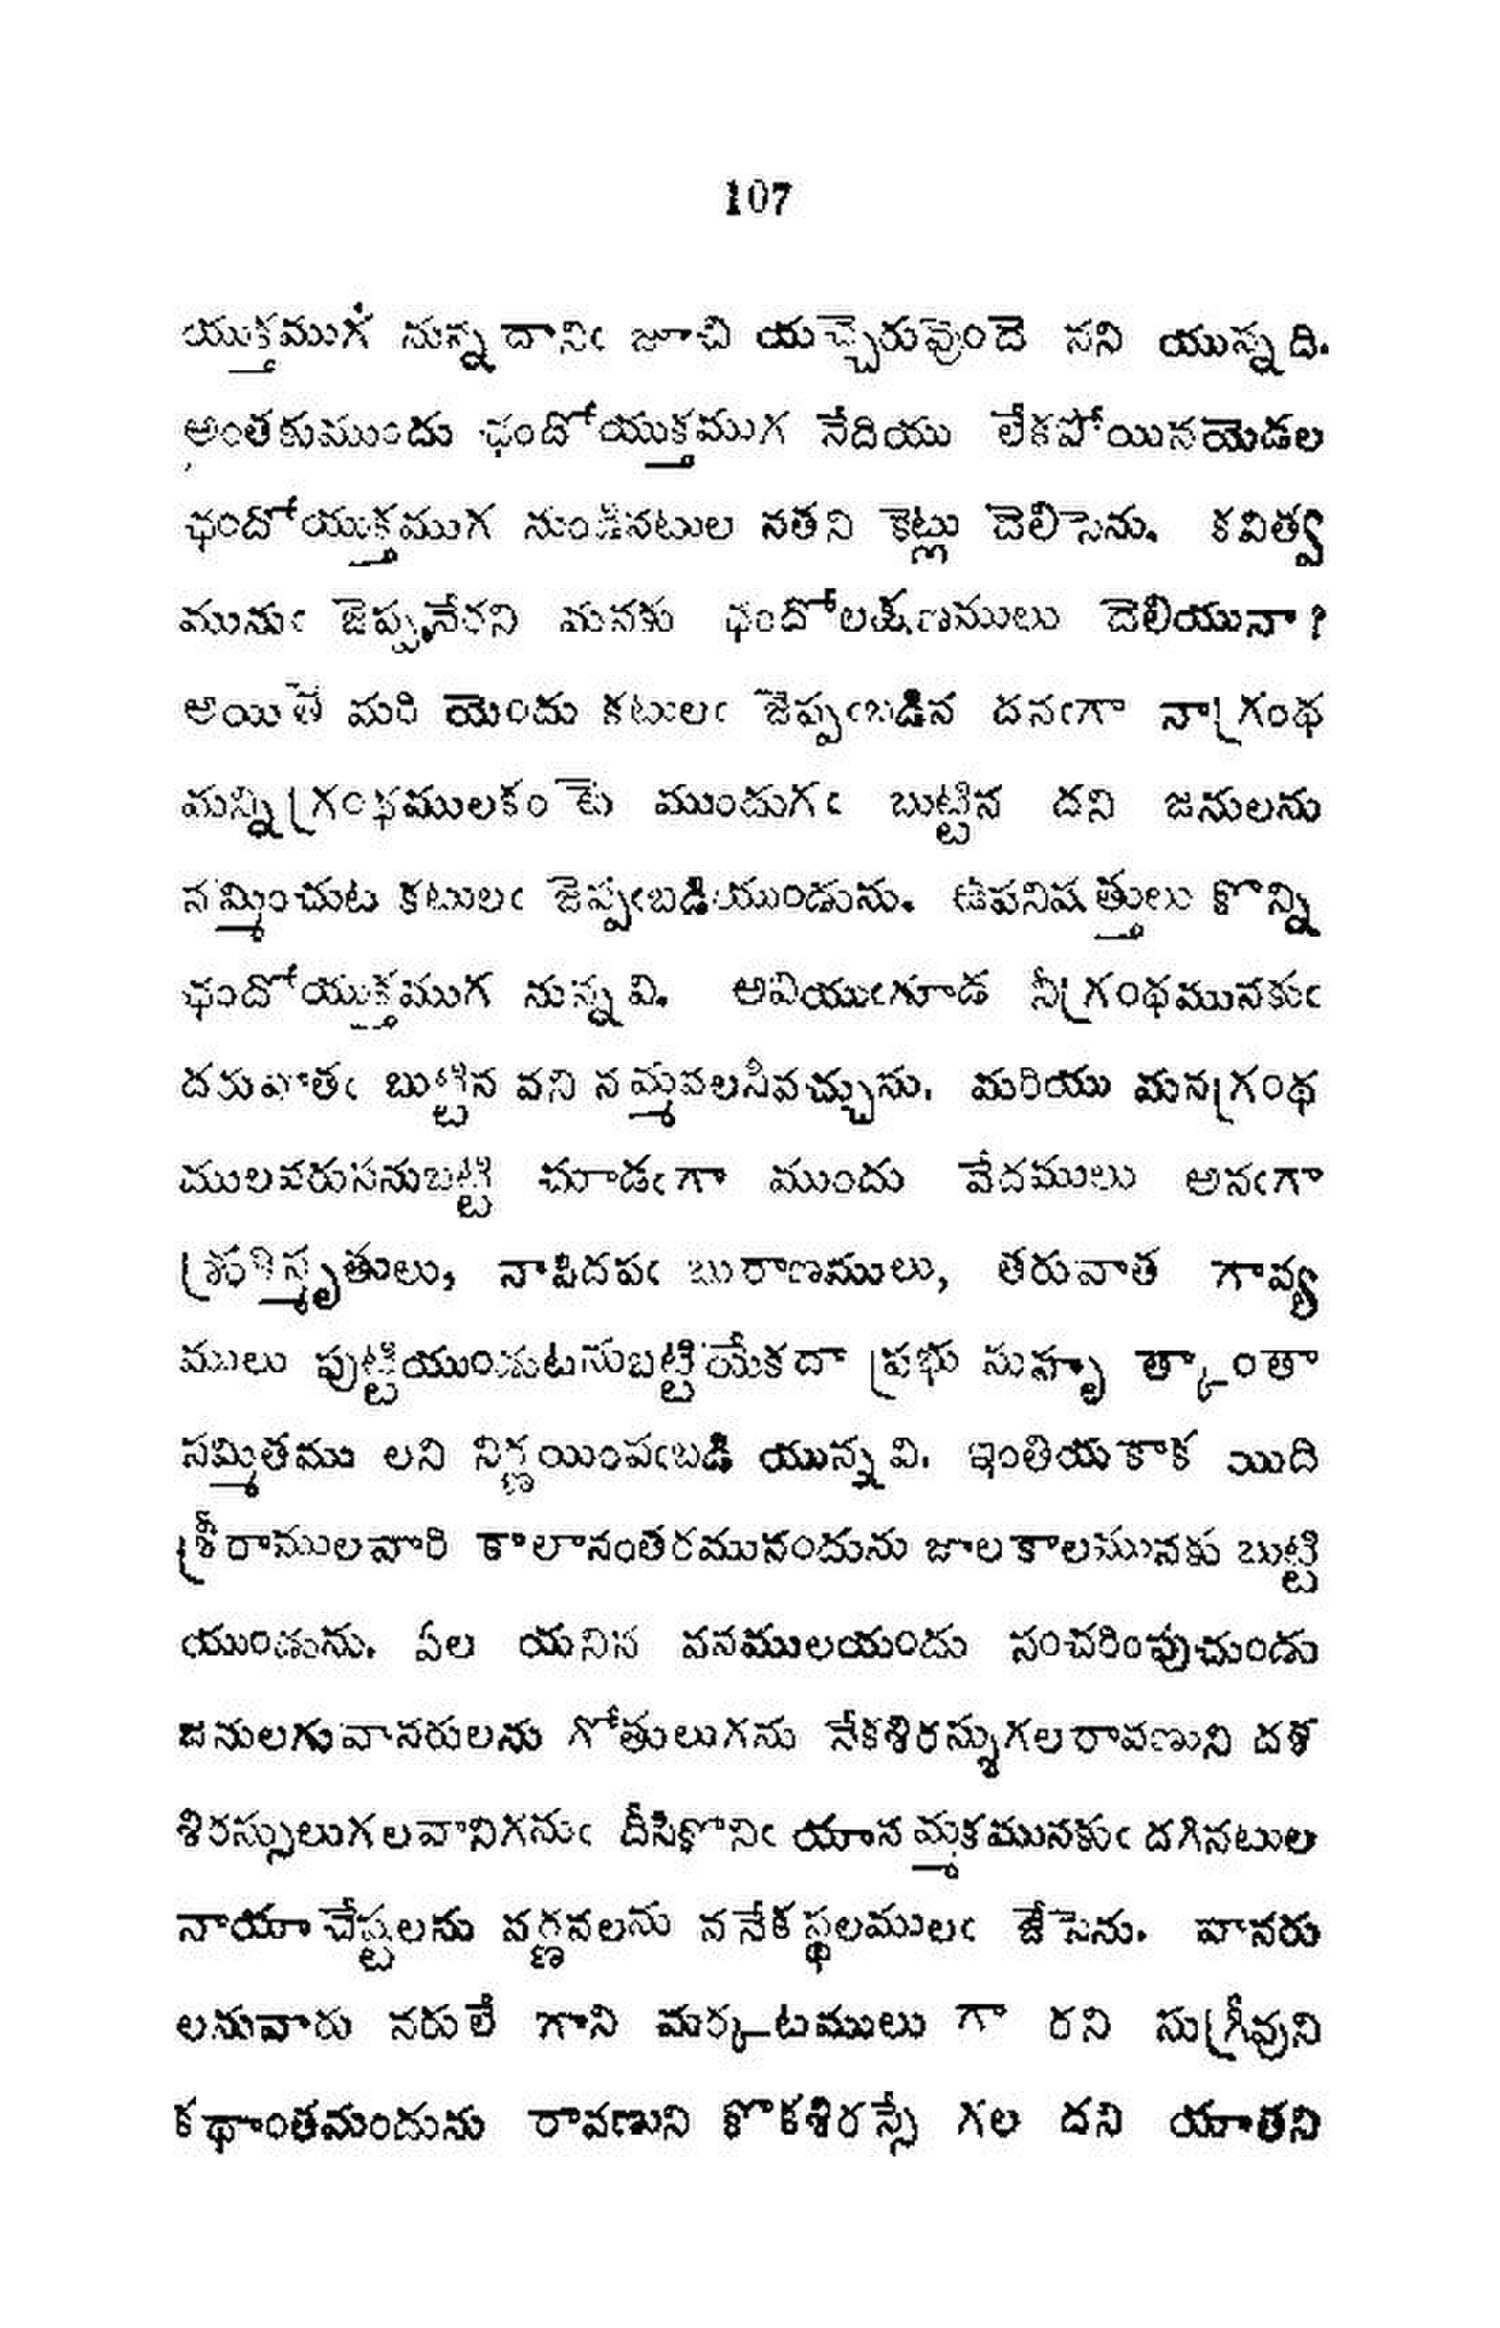యుక్తముగ నున్నదానిఁ జూచి యచ్చెరువొందె నని యున్నది. అంతకుముందు ఛందోయుక్తముగ నేదియు లేకపోయినయెడల ఛందోయుక్తముగ నుండినటుల నతని కెట్లు దెలిసెను. కవిత్వమునుఁ జెప్పునేరని మనకు ఛందోలక్షణములు దెలియునా? అయితె మరి యెందు కటులఁ జెప్పఁబడిన దనఁగా నాగ్రంథ మన్ని గ్రంధములకంటె ముందుగఁ బుట్టిన దని జనులను నమ్మించుట కటులఁ జెప్పఁబడియుండును. ఉపనిషత్తులు కొన్ని ఛందోయుక్తముగ నున్నవి. అవియుఁగూడ నీగ్రంథమునకుఁ దరువాతఁ బుట్టిన వని నమ్మవలసివచ్చును. మరియు మనగ్రంథముల వరుసనుబట్టి చూడఁగా ముందు వేదములు అనఁగా శ్రుతిస్మృతులు, నాపిదపఁ బురాణములు, తరువాత గావ్యములు పుట్టియుండుటనుబట్టియేకదా ప్రభు సుహృ త్కాంతా సమ్మితము లని నిర్ణయింపఁబడి యున్నవి. ఇంతియకాక యిది శ్రీరాములవారి కాలానంతరమునందును జాలకాలమునకు బుట్టియుండును. ఏల యనిన వనములయందు సంచరింపుచుండు జనులగు వానరులను గోతులుగను నేకశిరస్శుగలరావణుని దశ శిరస్సులుగలవానిగనుఁ దీసికొనిఁ యానమ్మకమునకుఁ దగినటుల నాయా చేష్టలను వర్ణనలను ననేకస్థలములఁ జేసెను. వానరు లనువారు నరులే గాని మర్కటములు గా రని సుగ్రీవుని
కథాంతమందును రావణుని కొకశిరస్సే గల దని యాతని